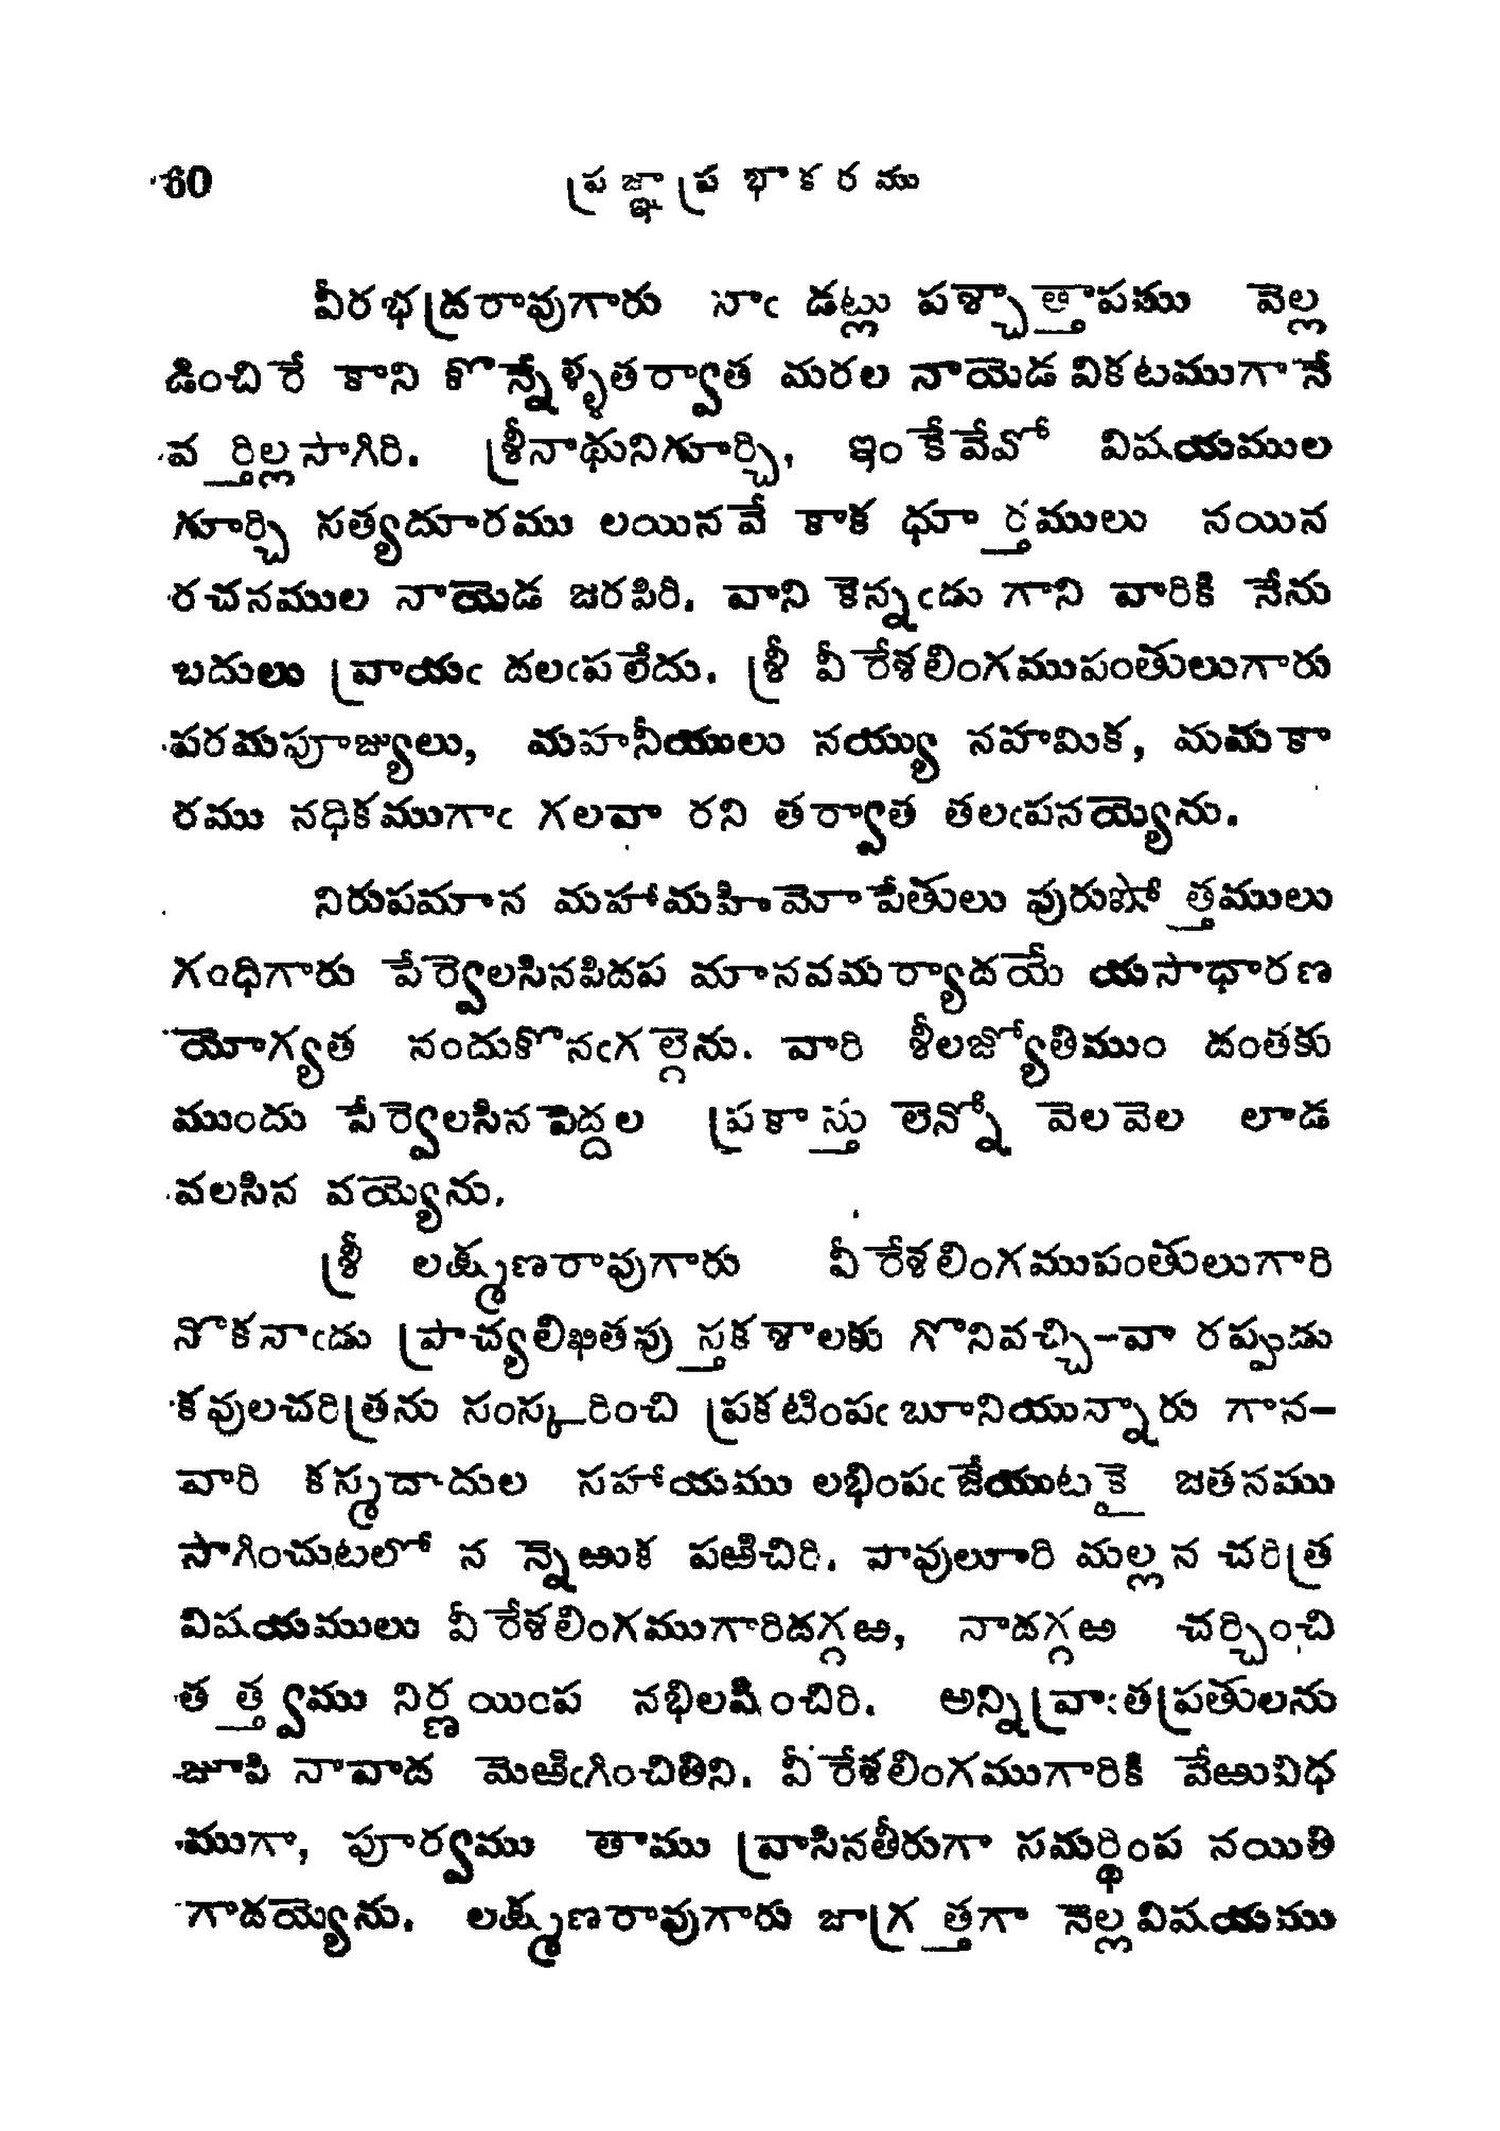వీరభద్రరావుగారు నాఁ డట్లు పశ్చాత్తాపము వెల్లడించిరే కాని కొన్నేళ్ళ తర్వాత మరల నాయెడ వికటము గానే వర్తిల్ల సాగిరి. శ్రీ నాధుని గూర్చి, ఇంకే వేవో విషయముల గూర్చి సత్యదూరము లయినవే కాక దూర్తములు నయిన రచనముల నాయెడ జరపిరి. వాని కెన్నఁ డు గాని వారికి నేను బదులు వ్రాయఁ దలఁ పలేదు. శ్రీవీరేశలింగముపంతులుగారు పరమపూజ్యులు, మహనీయులు నయ్యు నహమిక, మమకారము నధికముగాఁ గలవా రని తర్వాత తలఁపనయ్యెను.

నిరుపమాన మహామహిమోపేతులు పురుషోత్తములు గంధిగారు పెర్వెలసినపిదప మానవమర్యాదయే యసాదారణ యోగ్యత నందుకొనఁ గల్గెను. వారి శీలజ్యోతిముం దంతకు ముందు పెర్వెలసిన పెద్దల ప్రకాస్తు లెన్నో వెలవెల లాడ వలసిన వయ్యేను.

శ్రీ లక్ష్మణరావుగారు వీరేశలింగము పంతులుగారి నొక నాఁడు ప్రాచ్యలిఖిత పుస్తక శాలకు గొనివచ్చి - వారప్పుడు కవుల చరిత్రను సంస్కరించి ప్రకటింపఁ బూనియున్నారు గాన- వారి కస్మదాదుల సహాయము లభింపఁ జేయుటకై జతనము సాగించుటలో న న్నెఱుక పఱచిరి. పావులూరి మల్లన చరిత్ర విషయములు వీరేశలింగము గారి దగ్గఱ, నా దగ్గఱ చర్చించి తత్త్వము నిర్ణయింప నభిలషించిరి. అన్ని వ్రాఁత ప్రతులను జూపినా వాద మెఱిఁగించితిని. వీరేశలింగము గారికి వేఱువిధముగా, పూర్వ ముతాము వ్రాసిన తీరుగా సమర్ధింపనయితిగాదయ్యెను. లక్ష్మణరావుగారు జాగ్రత్తగా నెల్ల విషయము